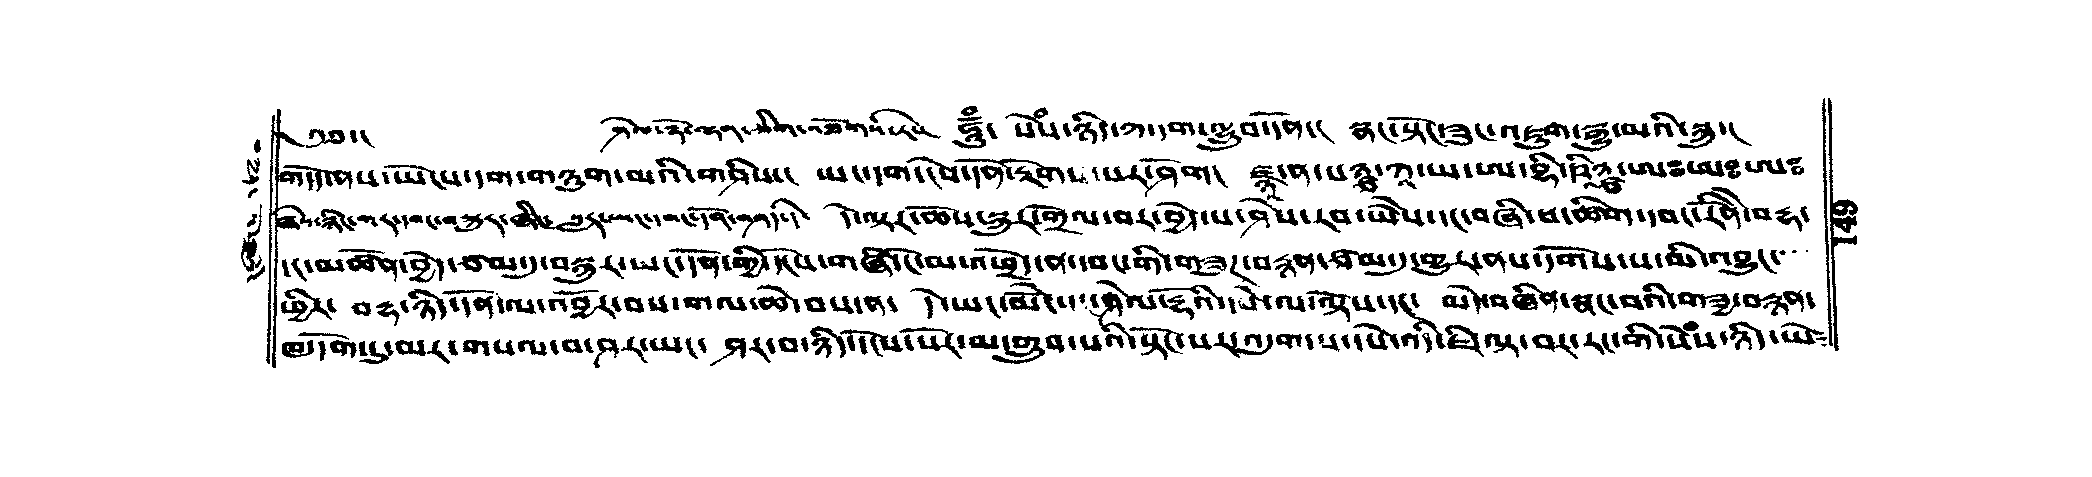ཤེལ་རྡོ་ལྷན་ཅིག་འཐོགས་ཏེ། ཧཱུྃ། སེམས་ཉིད་ཀ་དག་ལྷུན་གྲུབ་དོན། སྣང་སྟོང་ཟུང་འཇུག་སྒྱུ་མའི་སྐུ། 
གདོད་ནས་ཡོངས་དག་གཉུག་མའི་གཤིས། ཡང་དག་ངེས་དོན་རྟོགས་པར་ཤོག ཛྙཱ་ན་པཉྩ་ཀཱ་ཡ་ཨ་བྷི་རཱིཉྩ་ཨཿཨཿཨཿ
ཞེས་སྙིང་གར་དབང་བསྐུར་ཞིང་། སླར་ཡང་དབང་དོན་བཤད་དེ། དེ་ལྟར་ཆོས་སྐུར་གྲོལ་བར་བྱེད་པ་ཤེས་རབ་ཡེ་ཤེས་དང་བཞི་པ་ཚིག་དབང་རིན་པོ་ཆེ་བརྡ་
དང་མཚོན་བྱེད་ཙམ་དུ་བསྐུར་ཡང་དོན་གྱི་དངོས་གཞི་ངོ་མ་འཕྲོད་ན་དབང་གི་གཟུགས་བརྙན་ཙམ་དུ་གྱུར་ནས་དགོས་པ་མི་འབྱུང་
ཕྱིར། བརྡ་ཉིད་དོན་ལ་འབྱོར་བས་གལ་ཚེ་བས་ན། དེ་ཡང་མེ་ལོང་དང་ཤེལ་རྡོའི་དཔེ་ལ་ལྟོས་དང་། མེད་བཞིན་སྣང་བའི་གཟུགས་བརྙན་
ཁ་དོག་དུ་མར་གསལ་བ་ཤར་ཡང་། ཤར་བ་ཉིད་དངོས་པར་མ་གྲུབ་པའི་སྟོང་པར་འདུག་པ་དཔེ་འདི་ཇི་ལྟ་བར་རང་གི་སེམས་ཉིད་ཡེ་